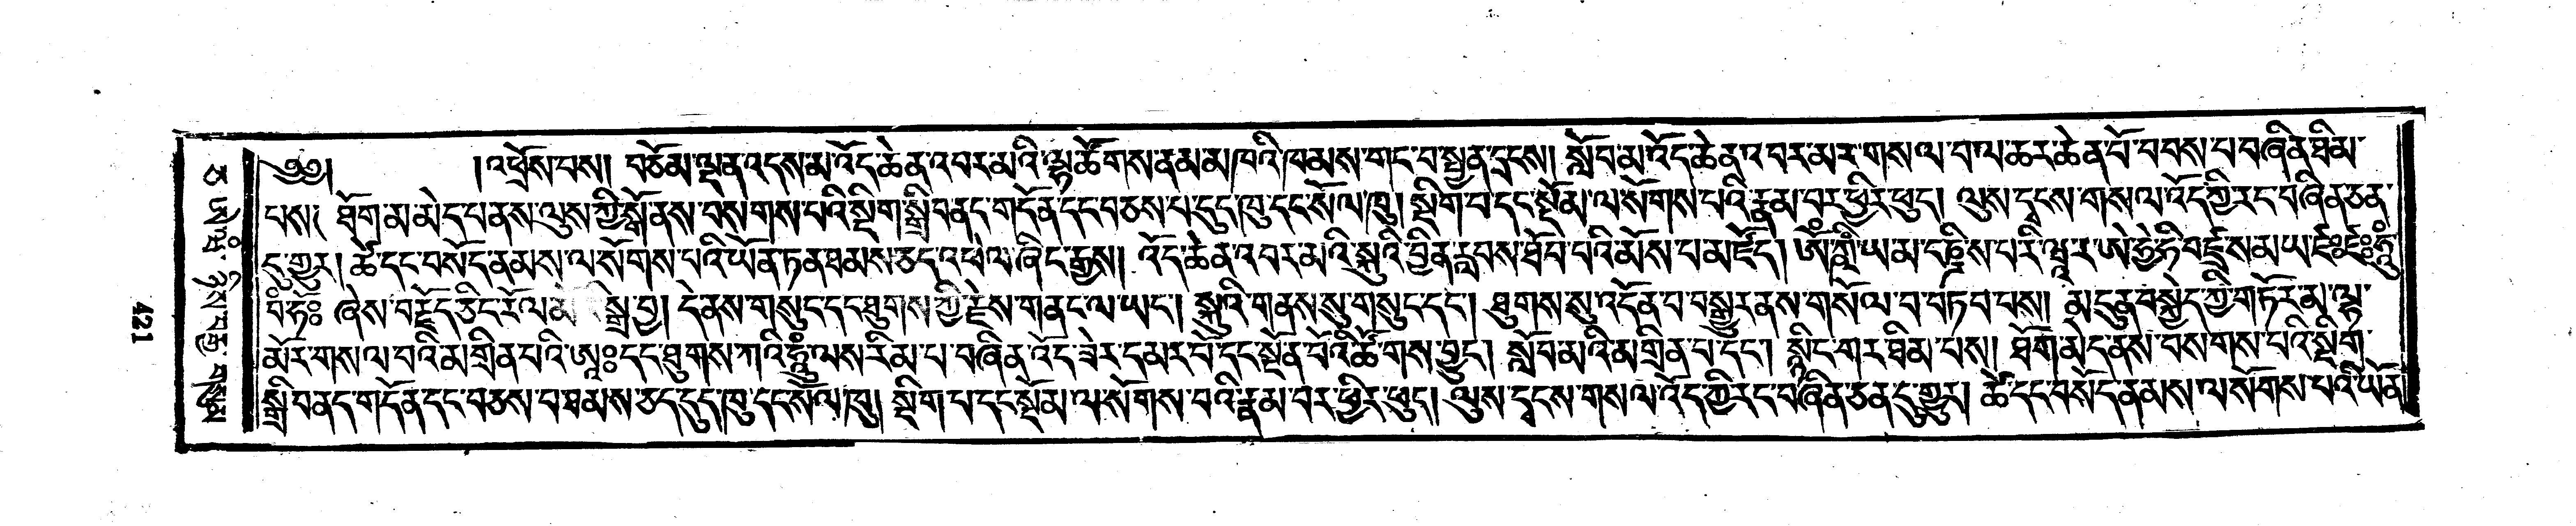༄༅། །འཕྲོས་པས། བཅོམ་ལྡན་འདས་མ་འོད་ཆེན་འབར་མའི་ལྷ་ཚོགས་ནམ་མཁའི་ཁམས་གང་བ་སྤྱན་དྲངས། སློབ་མ་འོད་ཆེན་འབར་མར་གསལ་བ་ལ་ཆར་ཆེན་པོ་བབས་པ་བཞིན་ཐིམ་
པས༑ ཐོག་མ་མེད་པ་ནས་ལུས་ཀྱི་སྒོ་ནས་བསགས་པའི་སྡིག་སྒྲིབ་ནད་གདོན་དང་བཅས་པ་དུད་ཁུ་དང་སོལ་ཁུ། སྡིག་པ་དང་སྡོམ་ལ་སོགས་པའི་རྣམ་པར་ཕྱིར་ཕུད། ལུས་དྭངས་གསལ་འོད་ཀྱི་རང་བཞིན་ཅན་
དུ་གྱུར། ཚེ་དང་བསོད་ནམས་ལ་སོགས་པའི་ཡོན་ཏན་ཐམས་ཅད་འཕེལ་ཞིང་རྒྱས། འོད་ཆེན་འབར་མའི་སྐུའི་བྱིན་རླབས་ཐོབ་པའི་མོས་པ་མཛོད། ཨོཾ་ཀྵིཾ་ཡ་མ་དཎྜི་ས་པ་རི་ཝཱ་ར་ཨེ་ཧྱེ་ཧི་བཛྲ་ས་མ་ཡ་ཛཿ ཛཿ ཧཱུཾ་
བཾ་ཧོཿ ཞེས་བརྗོད་ཅིང་རོལ་མོའི་སྒྲ་བྱ། དེ་ནས་གསུང་དང་ཐུགས་ཀྱི་རྗེས་གནང་ལ་ཡང་། སྐུའི་གནས་སུ་གསུང་དང་། ཐུགས་སུ་འདོན་པ་བསྒྱུར་ནས་གསོལ་བ་བཏབ་པས། མདུན་བསྐྱེད་ཀྱི་གཏོར་མ་ལྷ་
མོར་གསལ་བའི་མགྲིན་པའི་ཨཱཿ དང་ཐུགས་ཀའི་ཧཱུཾ་ལས་རིམ་པ་བཞིན་འོད་ཟེར་དམར་པོ་དང་སྔོན་པོའི་ཚོགས་བྱུང་། སློབ་མའི་མགྲིན་པ་དང་། སྙིང་གར་ཐིམ་པས། ཐོག་མེད་ནས་བསགས་པའི་སྡིག་
སྒྲིབ་ནད་གདོན་དང་བཅས་པ་ཐམས་ཅད་དུད་ཁུ་དང་སོལ་ཁུ། སྡིག་པ་དང་སྡོམ་ལ་སོགས་པའི་རྣམ་པར་ཕྱིར་ཕུད། ལུས་དྭངས་གསལ་འོད་ཀྱི་རང་བཞིན་ཅན་དུ་གྱུར། ཚེ་དང་བསོད་ནམས་ལ་སོགས་པའི་ཡོན་